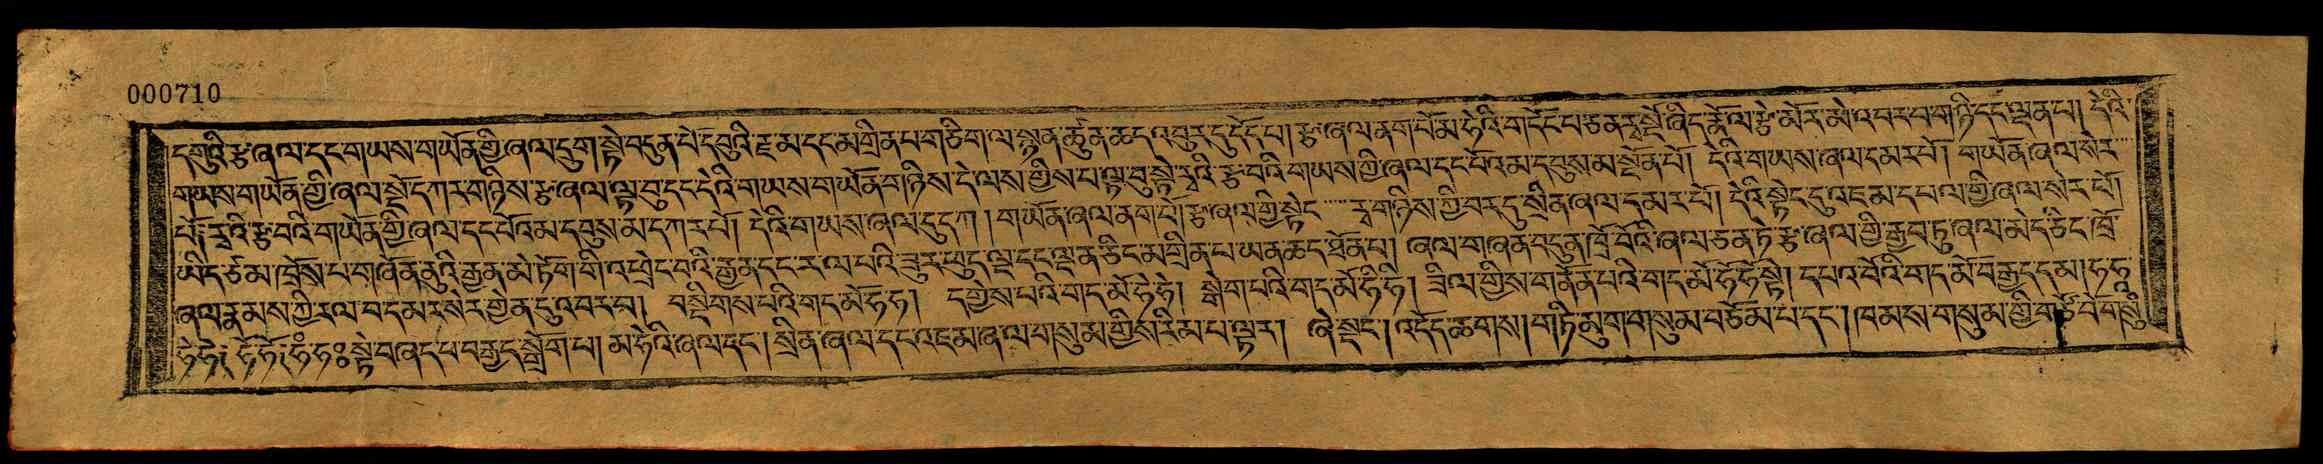དགུའི་རྩ་ཞལ་དང་གཡས་གཡོན་གྱི་ཞལ་དྲུག་སྟེ་བདུན་པོ་དབུའི་རྫ་མ་དང་མགྲིན་པ་གཅིག་ལ་སྙན་ཚུན་ཆད་འབུར་དུ་དོད་པ། རྩ་ཞལ་ནག་པོ་མ་ཧའི་གདོང་པ་ཅན་རྭ་སྔོ་ཞིང་རྣོ་ལ་རྩེ་མོར་མེ་འབར་བ་གཉིས་དང་ལྡན་པ། དེའི་
གཡས་གཡོན་གྱི་ཞལ་སྔོ་དཀར་གཉིས་རྩ་ཞལ་ལྟ་བུ་དང་དེའི་གཡས་གཡོན་གཉིས་དེ་ལས་གྱེས་པ་ལྟ་བུ་སྟེ་རྭའི་རྩ་བའི་གཡས་ཀྱི་ཞལ་དང་པོའམ་དབུས་མ་སྔོན་པོ། དེའི་གཡས་ཞལ་དམར་པོ། གཡོན་ཞལ་སེར་
པོ༑ རྭའི་རྩ་བའི་གཡོན་གྱི་ཞལ་དང་པོའམ་དབུས་མ་དཀར་པོ། དེའི་གཡས་ཞལ་དུད་ཀ། གཡོན་ཞལ་ནག་པོ། རྩ་ཞལ་གྱི་སྟེང་རྭ་གཉིས་ཀྱི་བར་དུ་སྲིན་ཞལ་དམར་པོ། དེའི་སྟོང་དུ་འཇམ་དཔལ་གྱི་ཞལ་སེར་པོ།
ཡིད་ཙམ་ཁྲོས་པ་གཞོན་ནུའི་རྒྱན་མེ་ཏོག་གི་འཕྲེང་བའི་རྒྱན་དང་རལ་པའི་ཟུར་ཕུད་ལྔ་དང་ལྡན་ཅིང་མགྲིན་པ་ཡན་ཆད་ཐོན་པ། ཞལ་གཞན་བདུན་ཁྲོ་བོའི་ཞལ་ཅན་ཏེ་རྩ་ཞལ་གྱི་རྒྱབ་ཏུ་ཞལ་མེད་ཅིང་ཁྲོ་
ཞལ་རྣམས་ཀྱི་རལ་པ་དམར་སེར་གྱེན་དུ་འབར་བ། བསྡིགས་པའི་གད་མོ་ཧ་ཧ། དགྱེས་པའི་གད་མོ་ཧེ་ཧེ། སྒེག་པའི་གད་མོ་ཧི་ཧི། ཟིལ་གྱིས་གནོན་པའི་གད་མོ་ཧོ་ཧོ་སྟེ། དཔའ་བོའི་གད་མོ་བརྒྱད་དམ། ཧ་ཧཱ།
ཧེ་ཧེ༑ ཧོ་ཧོ༑ ཧཾ་ཧཿ སྟེ་བཞད་པ་བརྒྱད་སྒྲོག་པ། མ་ཧེའི་ཞལ་དང་། སྲིན་ཞལ་དང་འཇམ་ཞལ་གསུམ་གྱིས་རིམ་པ་ལྟར། ཞེ་སྡང་། འདོད་ཆགས། གཏི་མུག་གསུམ་བཅོམ་པ་དང་། ཁམས་གསུམ་གྱི་གཙོ་བོ་གསུཾ་